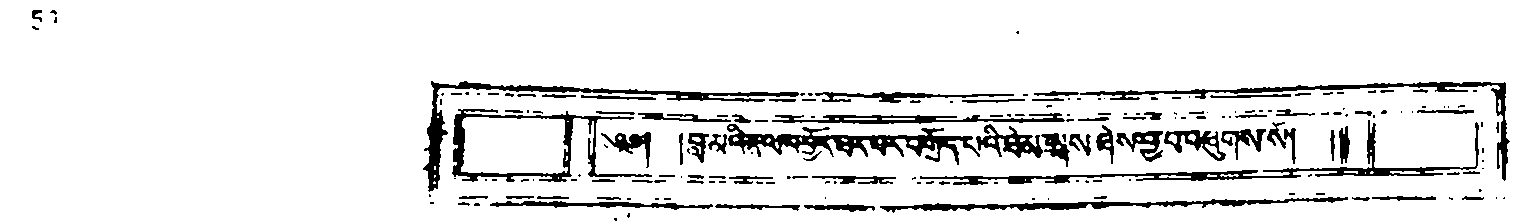༄༅། །བླ་མའི་རྣལ་འབྱོར་ཐར་པར་བགྲོད་པའི་ཐེམ་སྐས་ཞེས་བྱ་བ་བཞུགས་སོ། །